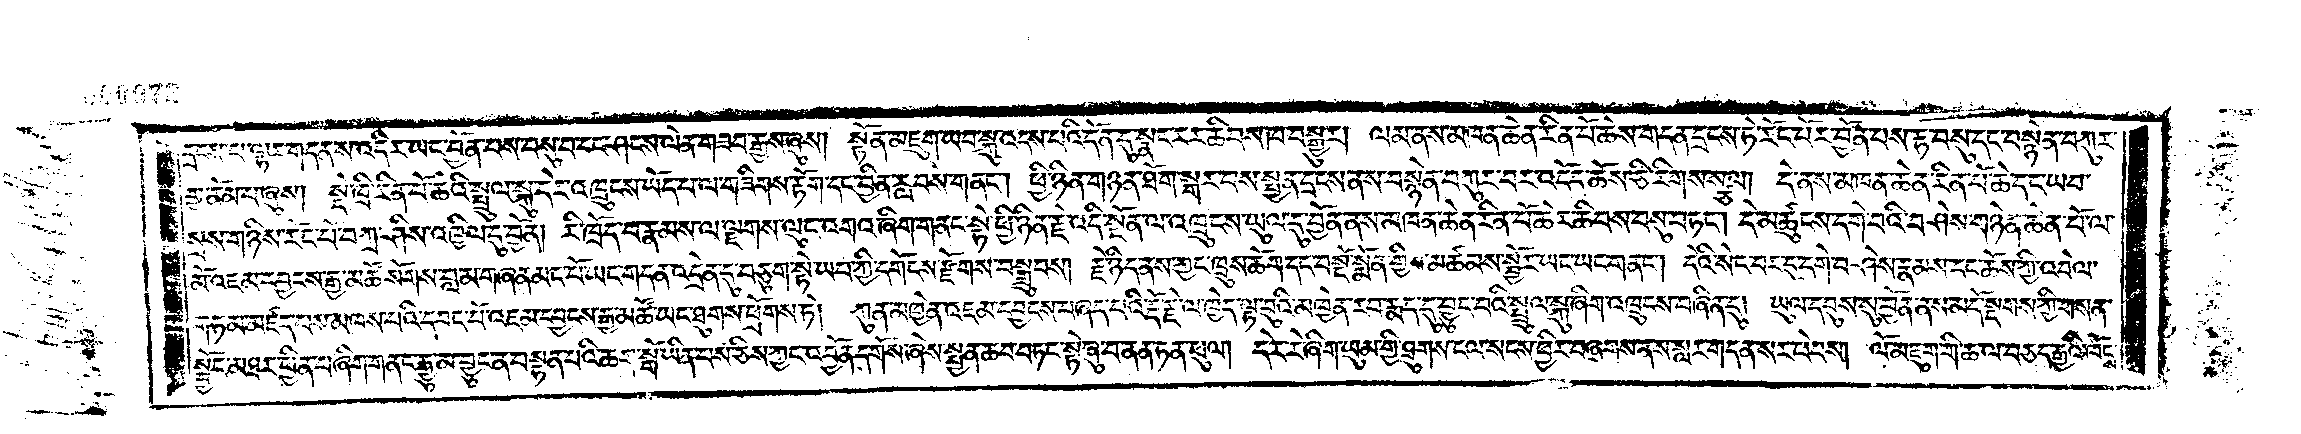དྲངས་པ་ལྟར་གདན་ས་འདིར་ཡང་བྱོན་པས་བསུ་བ་ངང་ཤངས་ལེན་གཟབ་རྒྱས་ཞུས། སྟོན་མཇུག་ཡབ་སྐུ་འདས་པའི་དོན་དུ་སྣང་རང་ཆིབས་ཁ་བསྒྱུར། ལམ་ནས་མཁན་ཆེན་རིན་པོ་ཆེས་གདན་དྲངས་ཏེ་རོང་པོར་བྱོན་པས་རྟ་བསུ་དང་བསྙེན་བཀུར་
གྱ་ནོམ་པ་ཞུས། སྡེ་ཁྲི་རིན་པོ་ཆེའི་སྤྲུལ་སྐུ་དེར་འཁྲུངས་ཡོད་པ་ལ་གཟིགས་རྟོག་དང་བྱིན་རླབས་གནང་། ཕྱི་ཉིན་གཉན་ཐོག་སྒར་བས་སྤྱན་དྲངས་ནས་བསྙེན་བཀུར་བར་འདོད་ཆོས་ཅི་རིགས་སྩལ། དེ་ནས་མཁན་ཆེན་རིན་པོ་ཆེ་དང་ཡབ་
སྲས་གཉིས་རོང་པོ་བཀྲ་ཤིས་འཁྱིལ་དུ་བྱོན། རི་ཁྲོད་པ་རྣམས་ལ་ལྗགས་ལུང་འགའ་ཞིག་གནང་སྟེ་ཕྱི་ཉིན་རྗེ་འདི་སྔོན་ལ་འཁྲུངས་ཡུལ་དུ་བྱོན་ནས་མཁན་ཆེན་རིན་པོ་ཆེར་ཆིབས་བསུ་བཏང་། དེ་མཚུངས་དགེ་བའི་བཤེས་གཉེན་ཆེན་པོ་ལ་
མོ་འཇམ་དབྱངས་རྒྱ་མཚོ་སོགས་བླ་མ་གཞན་མང་པོ་ཡང་གདན་འདྲེན་དུ་བཅུག་སྟེ་ཡབ་ཀྱི་དགོངས་རྫོགས་བསྒྲུབས། རྗེ་ཉིད་ནས་ཀྱང་ཁྲུས་ཆོག་དང་བསྔོ་སྨོན་གྱིས་མཚམས་སྦྱོར་ཡང་ཡང་གནང་། དེའི་སེང་བར་དུ་དགེ་བཤེས་རྣམས་དང་ཆོས་ཀྱི་འབེལ་
གཏམ་མཛད་པས་མཁས་པའི་དབང་པོ་འཇམ་དབྱངས་རྒྱ་མཚོ་ཡང་ཐུགས་ཕྲོགས་ཏེ། ཀུན་མཁྱེན་འཇམ་དབྱང་བཞད་པའི་རྡོ་རྗེ་ལ་ཁྱེད་ལྟ་བུའི་མཁྱེན་རབ་རྨད་དུ་བྱུང་བའི་སྤྲུལ་སྐུ་ཞིག་འཁྲུངས་བཞིན་དུ། ཡུལ་དབུས་སུ་བྱོན་ནས་མདོ་སྔགས་ཀྱི་གསན་
སྦྱོང་མཐར་ཕྱིན་པ་ཞིག་གནང་རྒྱུ་མ་བྱུང་ན་བསྟན་པའི་ཆག་སྒོ་ཡིན་པས་ཅིས་ཀྱང་འབྱོན་དགོས་ཞེས་སྤྱན་ཆབ་བཏང་སྟེ་ཞུ་བ་ནན་ཏན་ཕུལ། དེར་རེ་ཞིག་ཡུམ་གྱི་ཐུགས་ངལ་སངས་ཕྱིར་བཞུགས་ནས་གླར་གདན་སར་ཕེབས། ལོ་མཇུག་གི་ཆ་ལ་བཅད་རྒྱའི་ཁོངས་